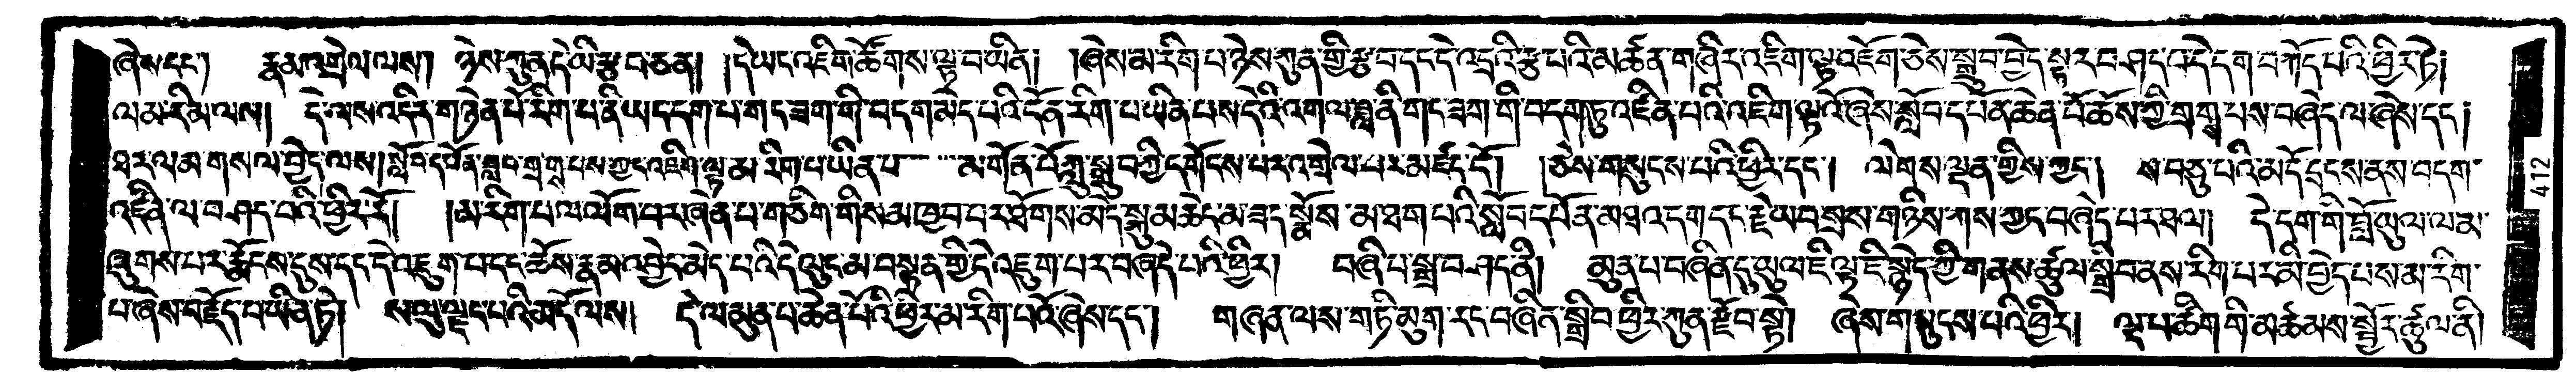ཞེས་དང་། རྣམ་འགྲེལ་ལས། ཉེས་ཀུན་དེ་ཡི་རྩ་བ་ཅན། །དེ་ཡང་འཇིག་ཚོགས་ལྟ་བ་ཡིན། །ཞེས་མ་རིག་པ་ཉེས་ཀུན་གྱི་རྩ་བ་དང་དེ་འདྲའི་རྩ་བའི་མཚན་གཞིར་འཇིག་ལྟ་འཇོག་ཅེས་སྒྲུབ་བྱེད་སྟར་བཤད་པ་དེ་དག་བཀོད་པའི་ཕྱིར་ཏེ།
ལམ་རིམ་ལས། དེ་ལས་འདིར་གཉེན་པོ་རིག་པ་ནི་ཡང་དག་པ་གང་ཟག་གི་བདག་མེད་པའི་དོན་རིག་པ་ཡིན་པས་དེའི་འགལ་ཟླ་ནི་གང་ཟག་གི་བདག་ཏུ་འཛིན་པའི་འཇིག་ལྟའོ་ཞེས་སློབ་དཔོན་ཆེན་པོ་ཆོས་ཀྱི་གྲགས་པས་བཞེད་ལ་ཞེས་དང་།
ཐར་ལམ་གསལ་བྱེད་ལས། སློབ་དཔོན་ཟླ་བ་གྲགས་པས་ཀྱང་འཇིག་ལྟ་མ་རིག་པ་ཡིན་པ་མགོན་པོ་ཀླུ་སྒྲུབ་ཀྱི་དགོངས་པར་འགྲེལ་པར་མཛད་དོ། །ཅེས་གསུངས་པའི་ཕྱིར་དང་། ལེགས་ལྡན་གྱིས་ཀྱང་། ས་བཅུ་པའི་མདོ་དྲངས་ནས་བདག་
འཛིན་ལ་བཤད་པའི་ཕྱིར་རོ། །མ་རིག་པ་ལ་ལོག་པར་ཞེན་པ་གཅིག་གིས་མ་ཁྱབ་པར་ཐོགས་མེད་སྐུ་མཆེད་མ་ཟད་སྣོས་མ་ཐག་པའི་སློབ་དཔོན་མཐའ་དག་དང་རྗེ་ཡབ་སྲས་གཉིས་ཀས་ཀྱང་བཞེད་པར་ཐལ། དེ་དག་གི་བློ་ཡུལ་ལ་མ་
ཞུགས་པར་རྨོངས་དུས་དང་དེ་འཇུག་པ་དང་ཆོས་རྣམ་འབྱེད་མེད་པའི་དེ་ལུང་མ་བསྟན་གྱི་དེ་འཇུག་པར་བཞེད་པའི་ཕྱིར། བཞི་པ་སྒྲ་བཤད་ནི། མུན་པ་བཞིན་དུ་ཡུལ་ཇི་ལྟ་ཇི་སྙེད་ཀྱི་གནས་ཚུལ་སྒྲིབ་ནས་རིག་པར་མི་བྱེད་པས་མ་རིག་
པ་ཞེས་བརྗོད་པ་ཡིན་ཏེ། ས་ལུ་ལྗང་པའི་མདོ་ལས། དེ་ལ་མུན་པ་ཆེན་པོའི་ཕྱིར་མ་རིག་པའོ་ཞེས་དང་། གཞན་ལས་གཏི་མུག་རང་བཞིན་སྒྲིབ་ཕྱིར་ཀུན་རྫོབ་སྟེ། ཞེས་གསུངས་པའི་ཕྱིར། ལྔ་པ་ཚིག་གི་མཚམས་སྦྱོར་ཚུལ་ནི།